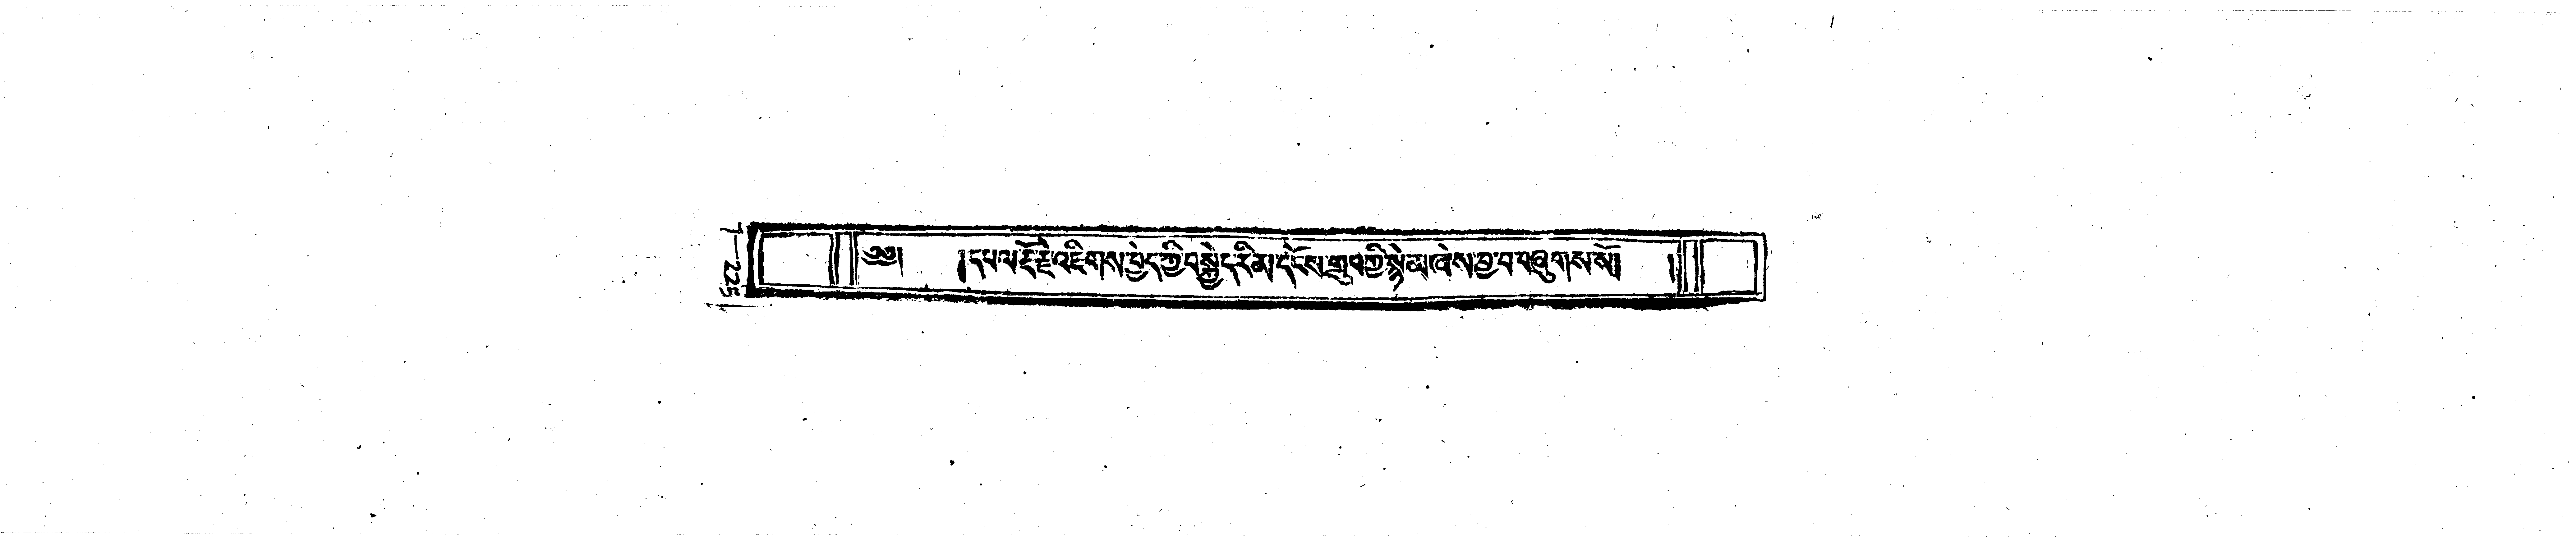༄༅། །དཔལ་རྡོ་རྗེ་འཇིགས་བྱེད་ཀྱི་བསྐྱེད་རིམ་དངོས་གྲུབ་ཀྱི་སྙེ་མ་ཞེས་བྱ་བ་བཞུགས་སོ། །